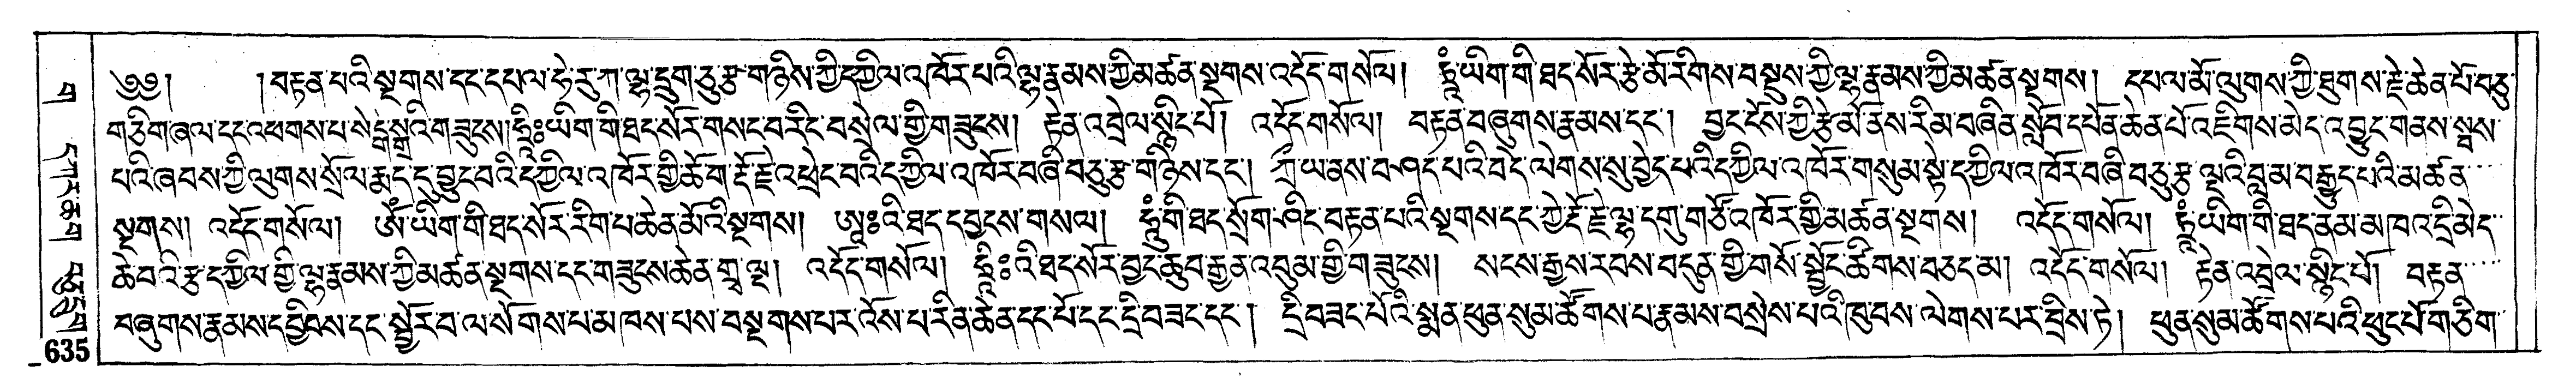༄༅། །བརྟན་པའི་སྔགས་དང་དཔལ་ཧེ་རུ་ཀ་ལྷ་དྲུག་ཅུ་རྩ་གཉིས་ཀྱི་དཀྱིལ་འཁོར་པའི་ལྷ་རྣམས་ཀྱི་མཚན་སྔགས་འདོད་གསོལ། ཏྲཱཾ་ཡིག་གི་ཐད་སོར་རྩེ་མོ་རིགས་བསྡུས་ཀྱི་ལྷ་རྣམས་ཀྱི་མཚན་སྔགས། དཔལ་མོ་ལུགས་ཀྱི་ཐུགས་རྗེ་ཆེན་པོ་བཅུ་
གཅིག་ཞལ་དང་འཕགས་པ་སེངྒེ་སྒྲའི་གཟུངས། ཧྲཱིཿ ཡིག་གི་ཐད་སོར་གསང་བ་རིང་བསྲེལ་གྱི་གཟུངས། རྟེན་འབྲེལ་སྙིང་པོ། འདོད་གསོལ། བརྟན་བཞུགས་རྣམས་དང་། བྱང་ངོས་ཀྱི་རྩེ་མོ་ནས་རིམ་བཞིན་སློབ་དཔོན་ཆེན་པོ་འཇིགས་མེད་འབྱུང་གནས་སྦས་
པའི་ཞབས་ཀྱི་ལུགས་སྲོལ་རྨད་དུ་བྱུང་བའི་དཀྱིལ་འཁོར་གྱི་ཆོ་ག་རྡོ་རྗེ་འཕྲེང་བའི་དཀྱིལ་འཁོར་བཞི་བཅུ་རྩ་གཉིས་དང་། ཀྲྀ་ཡ་ནས་བཤད་པའི་བདེ་ལེགས་སུ་བྱེད་པའི་དཀྱིལ་འཁོར་གསུམ་སྟེ་དཀྱིལ་འཁོར་བཞི་བཅུ་རྩ་ལྔའི་བླ་མ་བརྒྱུད་བའི་མཚན་
སྔགས། འདོད་གསོལ། ཨོཾ་ཡིག་གི་ཐད་སོར་རིག་པ་ཆེན་མོའི་སྔགས། ཨཱཿ འི་ཐད་དབྱངས་གསལ། ཧཱུཾ་གི་ཐད་སྲོག་ཤིང་བརྟན་པའི་སྔགས་དང་ཀྱཻ་རྡོ་རྗེ་ལྷ་དགུ་གཙོ་འཁོར་གྱི་མཚན་སྔགས། འདོད་གསོལ། ཏྲཱཾ་ཡིག་གི་ཐང་ནམ་མཁའ་དྲི་མེད་
ཆེ་བའི་རྩ་དཀྱིལ་གྱི་ལྷ་རྣམས་ཀྱི་མཚན་སྔགས་དང་གཟུངས་ཆེན་གྲྭ་ལྔ། འདོད་གསོལ། ཧྲཱིཿ འི་ཐད་སོར་བྱང་ཆུབ་རྒྱན་འབུམ་གྱི་གཟུངས། སངས་རྒྱས་རབས་བདུན་གྱི་གསོ་སྦྱོང་ཚིགས་བཅད་མ། འདོད་གསོལ། རྟེན་འབྲེལ་སྙིང་པོ། བརྟན་
བཞུགས་རྣམས་དབྱིབས་དང་སྦྱོར་བ་ལ་སོགས་པ་མཁས་པས་བསྔགས་པར་འོས་པ་རིན་ཆེན་དང་པོ་དང་དྲི་བཟང་དང་། དྲི་བཟང་པོའི་སྨན་ཕུན་སུམ་ཚོགས་པ་རྣམས་བསྲེས་པའི་ཁུ་བས་ལེགས་པར་བྲས་ཏེ། ཕུན་སུམ་ཚོགས་པའི་ཕུང་པོ་གཅིག་